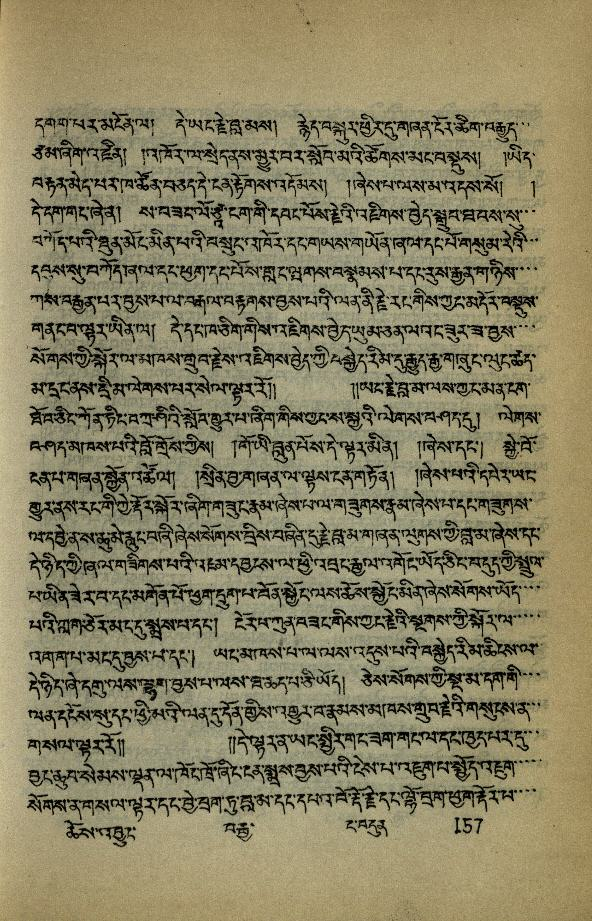དགག་པར་མངོན་ལ། དེ་ཡང་རྗེ་བླ་མས། རྙེད་བསྐུར་ཕྱིར་དུ་གཞན་ངོར་ཚིག་བརྒྱུད་
ཙམ་ཞིག་འཛིན། །འཁོར་ལ་སྲེད་ནས་མྱུར་བར་སློབ་མའི་ཚོགས་མང་བསྡུས། །ཡིད་
བརྟན་མེད་པར་ཁ་ཚོན་བཅད་དེ་ངན་རྟོགས་འདོམས། །ཞེས་པ་ལས་མ་འདས་སོ། །
དེ་དག་གང་ཞེ་ན། ས་བཟང་ལོ་ཙཱ་ངག་གི་དབང་པོས་རྗེའི་འཇིགས་བྱེད་སྒྲུབ་ཐབས་སུ་
བཀོད་པའི་ཐུན་མོང་མིན་པའི་བསྲུང་འཁོར་དང་གཡས་གཡོན་ཞལ་དང་པོ་གསུམ་རེའི་
དབུས་སུ་བཀོད་ཞལ་དང་ཕྱག་དང་པོས་གླང་ལྤགས་བསྣམས་པ་དང་རུས་རྒྱན་གཉིས་
ཀས་བརྒྱན་པར་བྱས་པ་ལ་བརྒལ་བརྟགས་བྱས་པའི་ལན་ནི་རྗེ་རང་གིས་ཀྱང་མདོར་བསྡུས་
གནང་བ་ལྟར་ཡིན་ལ། དེ་དང་ཁ་ཅིག་གིས་འཇིགས་བྱེད་ཡུམ་ཅན་ལའང་ཟུར་ཟ་བྱས་
སོགས་ཀྱི་སྐོར་ལ་མཁས་གྲུབ་རྗེས་འཇིགས་བྱེད་ཀྱི་བསྐྱེད་རིམ་དུ་རྒྱུད་རྒྱ་གཞུང་ལུང་ཚད་
མ་དྲང་ནས་དྲི་མ་ལེགས་པར་སེལ་ལྟར་རོ།། །།ཡང་རྗེ་བླ་མ་ལས་ཀྱང་མན་ངག་
ཐོབ་ཅིང་ཀོན་ཏིང་བཀྲ་ཤིའི་སློབ་གྱུར་པ་ཞིག་གིས་ཀྱང་ས་སྐྱའི་ལེགས་བཤད་དུ། ལེགས་
བཤད་མཁས་པའི་བློ་གྲོས་ཀྱིས། །གོ་ཡི་བླུན་པོས་དེ་ལྟར་མིན། །ཞེས་དང་། སྐྱེ་བོ་
ངན་པ་གཞན་སྐྱོན་འཚོལ། །སྲིན་བྱ་གཞན་ལ་ལྟས་ངན་གཏོན། །ཞེས་པའི་དཔེར་ཡང་
གྱུར་ནས་རང་གི་ཀྱེ་རྡོར་སྐོར་ཞིག་གཟུང་རྣམ་ཞེས་པ་ལ་གཟུགས་རྣམ་ཞེས་པ་དང་གཟུགས་
ལ་དབྱེ་ནས་ཆུ་མེ་རླུང་བཞི་ཞེས་སོགས་བྲིས་བཞིན་དུ་རྗེ་བླ་མ་གཞན་ལུགས་ཀྱི་བླ་མ་ཞེས་དང་
དེ་ཉིད་ཀྱི་ཞལ་གཟིགས་པའི་འཇམ་དབྱངས་ལ་ཕྱི་འབྲང་རྒྱལ་འགོང་ཡོད་ཅིང་བདུད་ཀྱི་སྤྲུལ་
པ་ཡིན་ཟེར་བ་དང་མགོན་པོ་ཕྱག་དྲུག་པ་བོན་སྐྱོང་ལས་ཆོས་སྐྱོང་མིན་ཞེས་སོགས་ཡོད་
པའི་ཀླག་ཅོར་མང་དུ་སྨྲས་པ་དང་། ངོར་པ་ཀུན་བཟང་གིས་ཀྱང་རྗེའི་སྔགས་ཀྱི་སྐོར་ལ་
འགག་པ་མང་དུ་བྱས་པ་དང་། ཡང་མཁས་པ་ལ་ལས་འདུས་པའི་བསྐྱེད་རིམ་ཆིངས་ལ་
དེ་ཉིད་ཞེ་དགུ་ལས་ལྷག་བྱས་པ་ལས་ཐ་ཆད་པ་ཅི་ཡོད། ཅེས་སོགས་ཀྱི་སྔ་མ་དག་གི་
ལན་དངོས་སུ་དང་ཕྱི་མའི་ལན་དུ་དོན་གྱིས་འགྱུར་བ་རྣམས་མཁས་གྲུབ་རྗེའི་གསུངས་ན་
གསལ་ལྟར་རོ།། །།དེ་ལྟར་ན་ཡང་སྤྱིར་གང་ཟག་གང་ལ་དང་ཁྱད་པར་དུ་
བྱང་ཆུབ་སེམས་ལྡན་ལ་ཁོང་ཁྲོ་ཞིང་ངན་སྨྲས་བྱས་པའི་ངེས་པ་འཇུག་པ་སྤྱོད་འཇུག་
སོགས་ན་གསལ་ལྟར་དང་བྱེ་བྲག་ཏུ་བླ་མ་དང་དཔའ་བོ་རྡོ་རྗེ་དང་ལྷོ་བྲག་ཕྱག་རྡོར་པ་